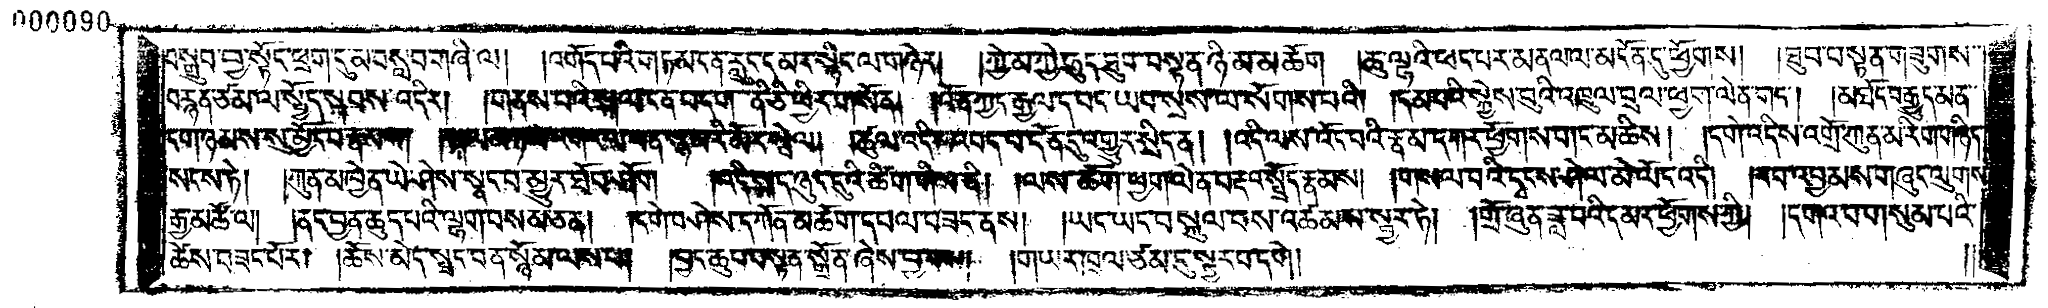བསྒྲུབ་བྱ་སྟོང་ཕྲག་དུ་མ་བསླབ་གཞི་ལ། །འགོད་པའི་གཏམ་ངན་རླུང་དམར་སྙིང་ལ་གཉེར། །ཀྱེ་མ་ཀྱེ་ཧུད་ཐུབ་བསྟན་ཉི་མ་མཆོག །ཆུ་ལྷའི་ཕང་བར་མནལ་ལ་མངོན་དུ་ཕྱོགས། །ཐུབ་བསྟན་གཟུགས་
བརྙན་ཙམ་ལ་སྤྱོད་སྐབས་འདིར། །གནས་པའི་སྐལ་ངན་བདག་ནི་ཅི་ཕྱིར་གསོན། །འོན་ཀྱང་རྒྱལ་དབང་ཡབ་སྲས་ལ་སོགས་པའི། །དམ་པའི་སྐྱེས་བུའི་འཁྲུལ་བྲལ་ཕྱག་ལེན་གང་། །མཐོང་བརྒྱུད་མན་
ངག་ཉམས་སུ་མྱོང་བ་རྣམས། །སྐལ་མཉམ་འགའ་ལ་ཕན་སྙམ་རི་མོར་སྤེལ། །ཚུལ་འདིས་འབད་པ་དོན་དུ་འགྱུར་སྲིད་ན། །འདི་ལས་འོང་བའི་རྣམ་དཀར་ཕྱོགས་གང་མཆིས། །དགེ་འདིས་འགྲོ་ཀུན་མ་རིག་གཉིད་
སངས་ཏེ། །ཀུན་མཁྱེན་ཡེ་ཤེས་སྣང་བ་མྱུར་ཐོབ་ཤོག །འདི་སྐད་ཉུང་ངུའི་ཚིག་གིས་ནི། །ལས་ཆོག་ཕྱག་ལེན་བརྡའ་སྤྲོད་རྣམས། །གསལ་བའི་དྭངས་ཤེལ་མེ་ལོང་འདི། །རབ་འབྱམས་གཞུང་ལུགས་
རྒྱ་མཚོ་ལ། །ནང་བྱན་ཆུད་པའི་ལྷག་བསམ་ཅན། །དགེ་བཤེས་དཀོན་མཆོག་དཔལ་བཟང་ནས། །ཡང་ཡང་བསྐུལ་བས་?་འཚམས་སྦྱར་ཏེ། །གྲོ་ཞུན་ཟླ་བའི་དམར་ཕྱོགས་ཀྱི། །དགའ་བ་གསུམ་པའི་
ཚེས་?་བཟང་པོར། །ཆོས་མེད་སྤྲང་བན་སྙོམ་ལས་པ། །བྱང་ཆུབ་བསྟན་སྒྲོན་ཞེས་བྱ་བས། །གཡར་ཁྲལ་ཙམ་དུ་སྦྱར་བ་དགེ ། །།